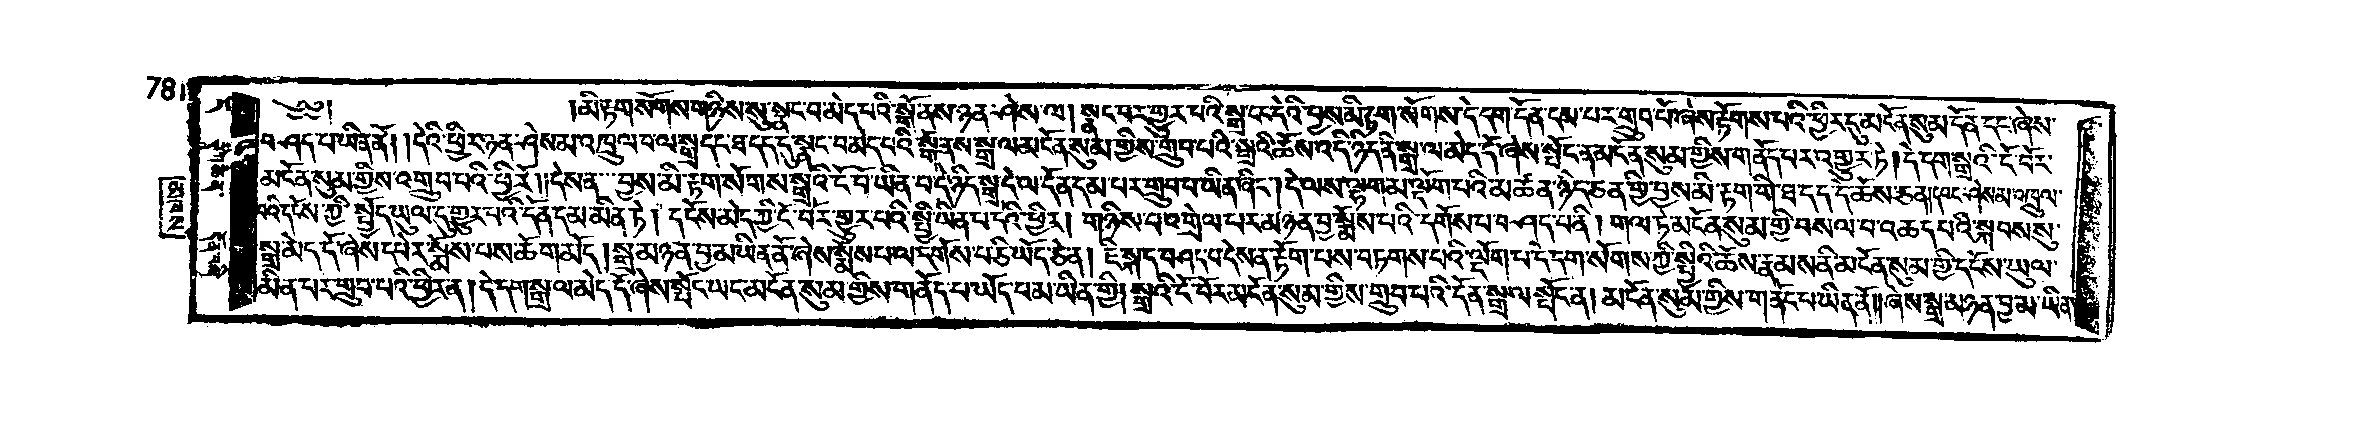༄༅། །མི་རྟག་སོགས་གཉིས་སུ་སྣང་བ་མེད་པའི་སྒོ་ནས་ཉན་ཤེས་ལ། སྣང་བར་གྱུར་པའི་སྒྲ་དང་དེའི་བྱས་མི་རྟག་སོགས་དེ་དག་དོན་དམ་པར་གྲུབ་པོ་ཞེས་རྟོགས་པའི་ཕྱིར་དུ་མངོན་སུམ་དོན་དང་ཞེས་
བཤད་པ་ཡིན་ནོ། །དེའི་ཕྱིར་ཉན་ཤེས་མ་འཁྲུལ་བ་ལ་སྒྲ་དང་ཐ་དད་དུ་སྣང་བ་མེད་པའི་སྒོ་ནས་སྒྲ་ལ་མངོན་སུམ་གྱིས་གྲུབ་པའི་སྒྲའི་ཆོས་འདི་ཉིད་ནི་སྒར་ལ་མེད་དོ་ཞེས་སྤོང་ན་མངོན་སུམ་གྱིས་གནོད་པར་འགྱུར་ཏེ། དེ་དག་སྒྲའི་ངོ་བོར་
མངོན་སུམ་གྱིས་འགྲུབ་པའི་ཕྱིར་རོ། །དེས་ན་བྱས་མི་རྟག་སོགས་སྒྲའི་ངོ་བོ་ཡིན་པ་དེ་ཉིད་སྒྲ་དེ་ལ་དོན་དམ་པར་གྲུབ་པ་ཡིན་ཞིང་། དེ་ལས་ལྷག་མ་ལྡོག་པའི་མཚན་ཉིད་ཅན་གྱི་བྱས་མི་རྟག་གི་ཐ་དད་དེ་ཆོས་ཅན། དབང་ཤེས་མ་འཁྲུལ་
བའི་དངོས་ཀྱི་སྤྱོད་ཡུལ་དུ་གྱུར་པའི་དོན་དམ་མིན་ཏེ། དངོས་མེད་ཀྱི་ངོ་བོར་གྱུར་པའི་སྤྱི་ཡིན་པ་དེའི་ཕྱིར། གཉིས་པ་འགྲེལ་པར་མཉན་བྱ་སྨོས་པའི་དགོས་པ་བཤད་པ་ནི། གལ་ཏེ་མངོན་སུམ་གྱི་བསལ་བ་འཆད་པའི་སྐབས་སུ་
སྒར་མེད་དོ་ཞེས་དཔེར་སྨོས་པས་ཆོས་ག་མོད། སྒྲ་མཉན་བྱ་མ་ཡིན་ནོ་ཞེས་སྨོས་པ་ལ་དགོས་པ་ཅི་ཡོད་ཅེ་ན། ཇི་སྐད་བཤད་པས་དེས་ནས་རྟོག་པས་བཏགས་པའི་ལྡོག་པ་དེ་དག་སོགས་ཀྱི་སྤྱིའི་ཚོག་རྣམས་ནི་མངོན་སུམ་གྱི་དངོས་ཡུལ་
མིན་པར་གྲུབ་པའི་ཕྱིར་ན། དེ་དག་སྒྲ་ལ་མེད་དོ་ཞེས་སྤོང་ཡང་མངོན་སུམ་གྱིས་གནོད་པ་ཡོད་པ་མ་ཡིན་གྱི། སྒྲའི་ངོ་བོར་མངོན་སུམ་གྱིས་གྲུབ་པའི་དོན་སྒྲ་ལ་སྤོང་ན། མངོན་སུམ་གྱིས་གནོད་པ་ཡིན་ནོ། །ཞེས་སྒྲ་མཉན་བྱ་མ་ཡིན་